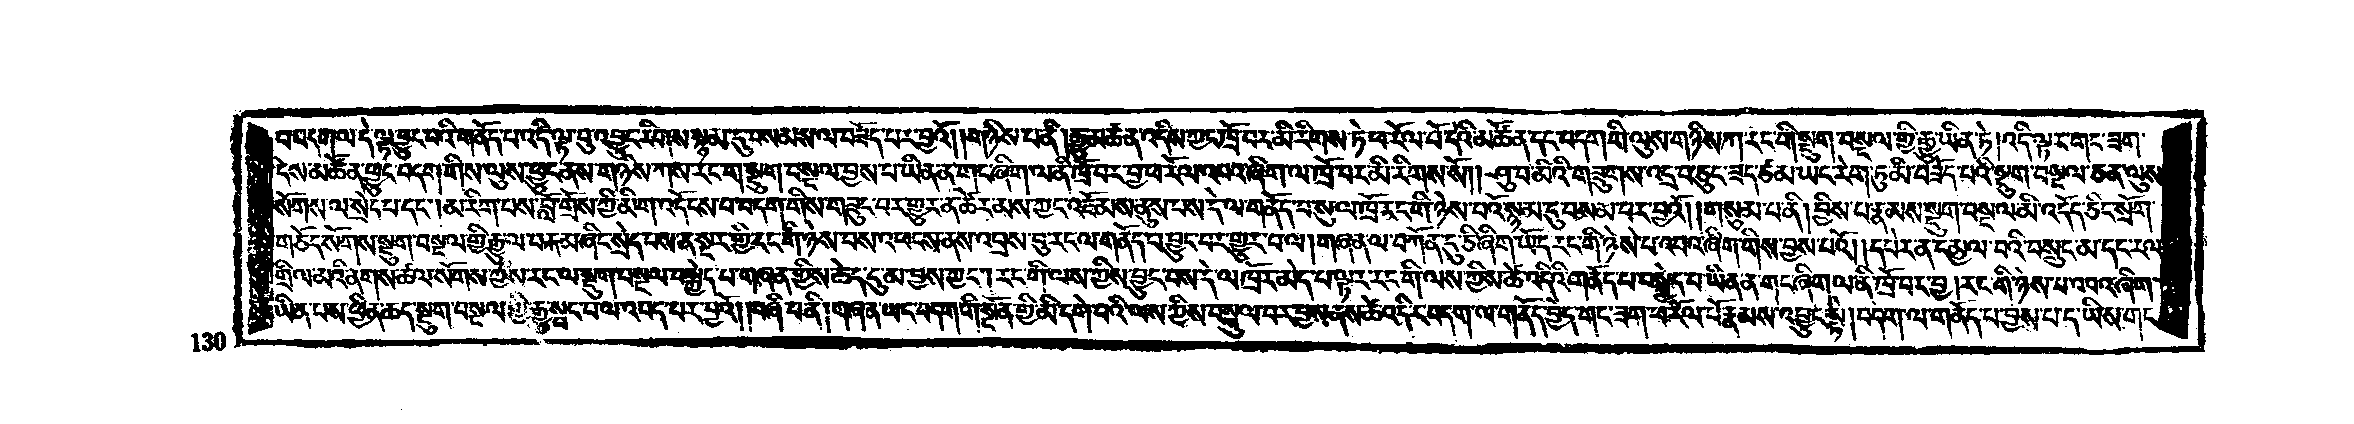པ་བདག་ལ་དེ་ལྟ་བྱུང་བའི་གནོད་པ་འདི་ལྟ་བུ་འབྱུང་རིགས་སྙམ་དུ་བསམས་ལ་བཟོད་པར་བྱའོ། །གཉིས་པ་ནི། རྒྱུ་མཚན་འདིས་ཀྱང་ཁྲོ་བར་མི་རིགས་ཏེ་ཕ་རོལ་པོ་དེའི་མཚོན་དང་བདག་གི་ལུས་གཉིས་ཀ་རང་གི་སྡུག་བསྔལ་གྱི་རྒྱུ་ཡིན་ཏེ། འདི་ལྟར་གང་ཟག་
དེས་མཚོན་ཕུང་བདག་གིས་ལུས་ཕྱུང་ནས་གཉིས་ཀས་རང་ག་སྡུག་བསྔལ་བྱས་པ་ཡིན་ན་གང་ཞིག་ལ་ནི་ཁྲོ་བར་བྱ་ཕ་རོལ་འབའ་ཞིག་ལ་ཁྲོ་བར་མི་རིགས་སོ། །ཤུ་བ་མིའི་གཟུགས་འདྲ་བ་ཅུང་ཟད་ཙམ་ཡང་རེག་ཏུ་མི་བཟོད་པའི་སྡུག་བསྔལ་ཅན་ལུས་
སོགས་ལ་སྲེད་པ་དང་། མ་རིགས་པས་བློ་གྲོས་ཀྱི་མིག་འདོངས་པ་བདག་གིས་གཟུང་བར་གྱུར་ན་ཚེར་མས་ཀྱང་འཇོམས་ནུས་པས་དེ་ལ་གནོད་པ་སུ་ལ་ཁྲོ་རང་གི་ཉེས་པའོ་སྙམ་དུ་བསམ་པར་བྱའོ། །གསུམ་པ་ནི། བྱིས་པ་རྣམས་སྡུག་བསྔལ་མི་འདོད་ཅིང་སྲོག་
གཅོད་སོགས་སྡུག་བསྔལ་གྱི་རྒྱུ་ལ་བརྐམ་ཞིང་སྲེད་པས་ན་སྔར་གྱི་རང་གི་ཉེས་པས་འཕངས་ནས་འབྲས་བུ་རང་ལ་གནོད་པ་བྱུང་བར་གྱུར་པ་ལ། གཞན་ལ་བཀོན་ཅུ་ཅི་ཞིག་ཡོད་རང་གི་ཉེས་པ་འབའ་ཞིག་གིས་བྱས་པའོ། །དཔེར་ན་དམྱལ་བའི་བསྲུང་མ་དང་རལ་
གྲིལ་མའི་ནགས་ཚལ་སོགས་ཀྱིས་རང་ལ་སྡུག་བསྔལ་བསྐྱེད་པ་གཞན་གྱིས་ཆེད་དུ་མ་བྱས་ཀྱང་། རང་གི་ལས་ཀྱིས་བྱུང་བས་དེ་ལ་ཁྲོར་མེད་པ་ལྟར་རང་གི་ལས་ཀྱིས་ཚེ་འདིའི་གནོད་པ་བསྐྱེད་པ་ཡིན་ན་གང་ཞིག་ལ་ནི་ཁྲོ་བར་བྱ། རང་གི་ཉེས་པ་འབའ་ཞིག་
ཡིན་པས་ཕྱིན་ཆད་སྡུག་བསྔལ་གྱི་རྒྱུ་སྤང་བ་ལ་འབད་པར་བྱའོ། །བཞི་པ་ནི། བཞན་ཡང་བདག་གི་སྔོན་གྱི་མི་དགེ་བའི་ལས་ཀྱིས་བསྐུལ་བར་བྱས་ནས་ཚེ་འདིར་བདག་ལ་གནོད་བྱེད་གང་ཟག་ཕ་རོལ་པོ་རྣམས་འབྱུང་སྟེ། བདག་ལ་གནོད་པ་བྱས་པ་དེ་ཡིས་གང་